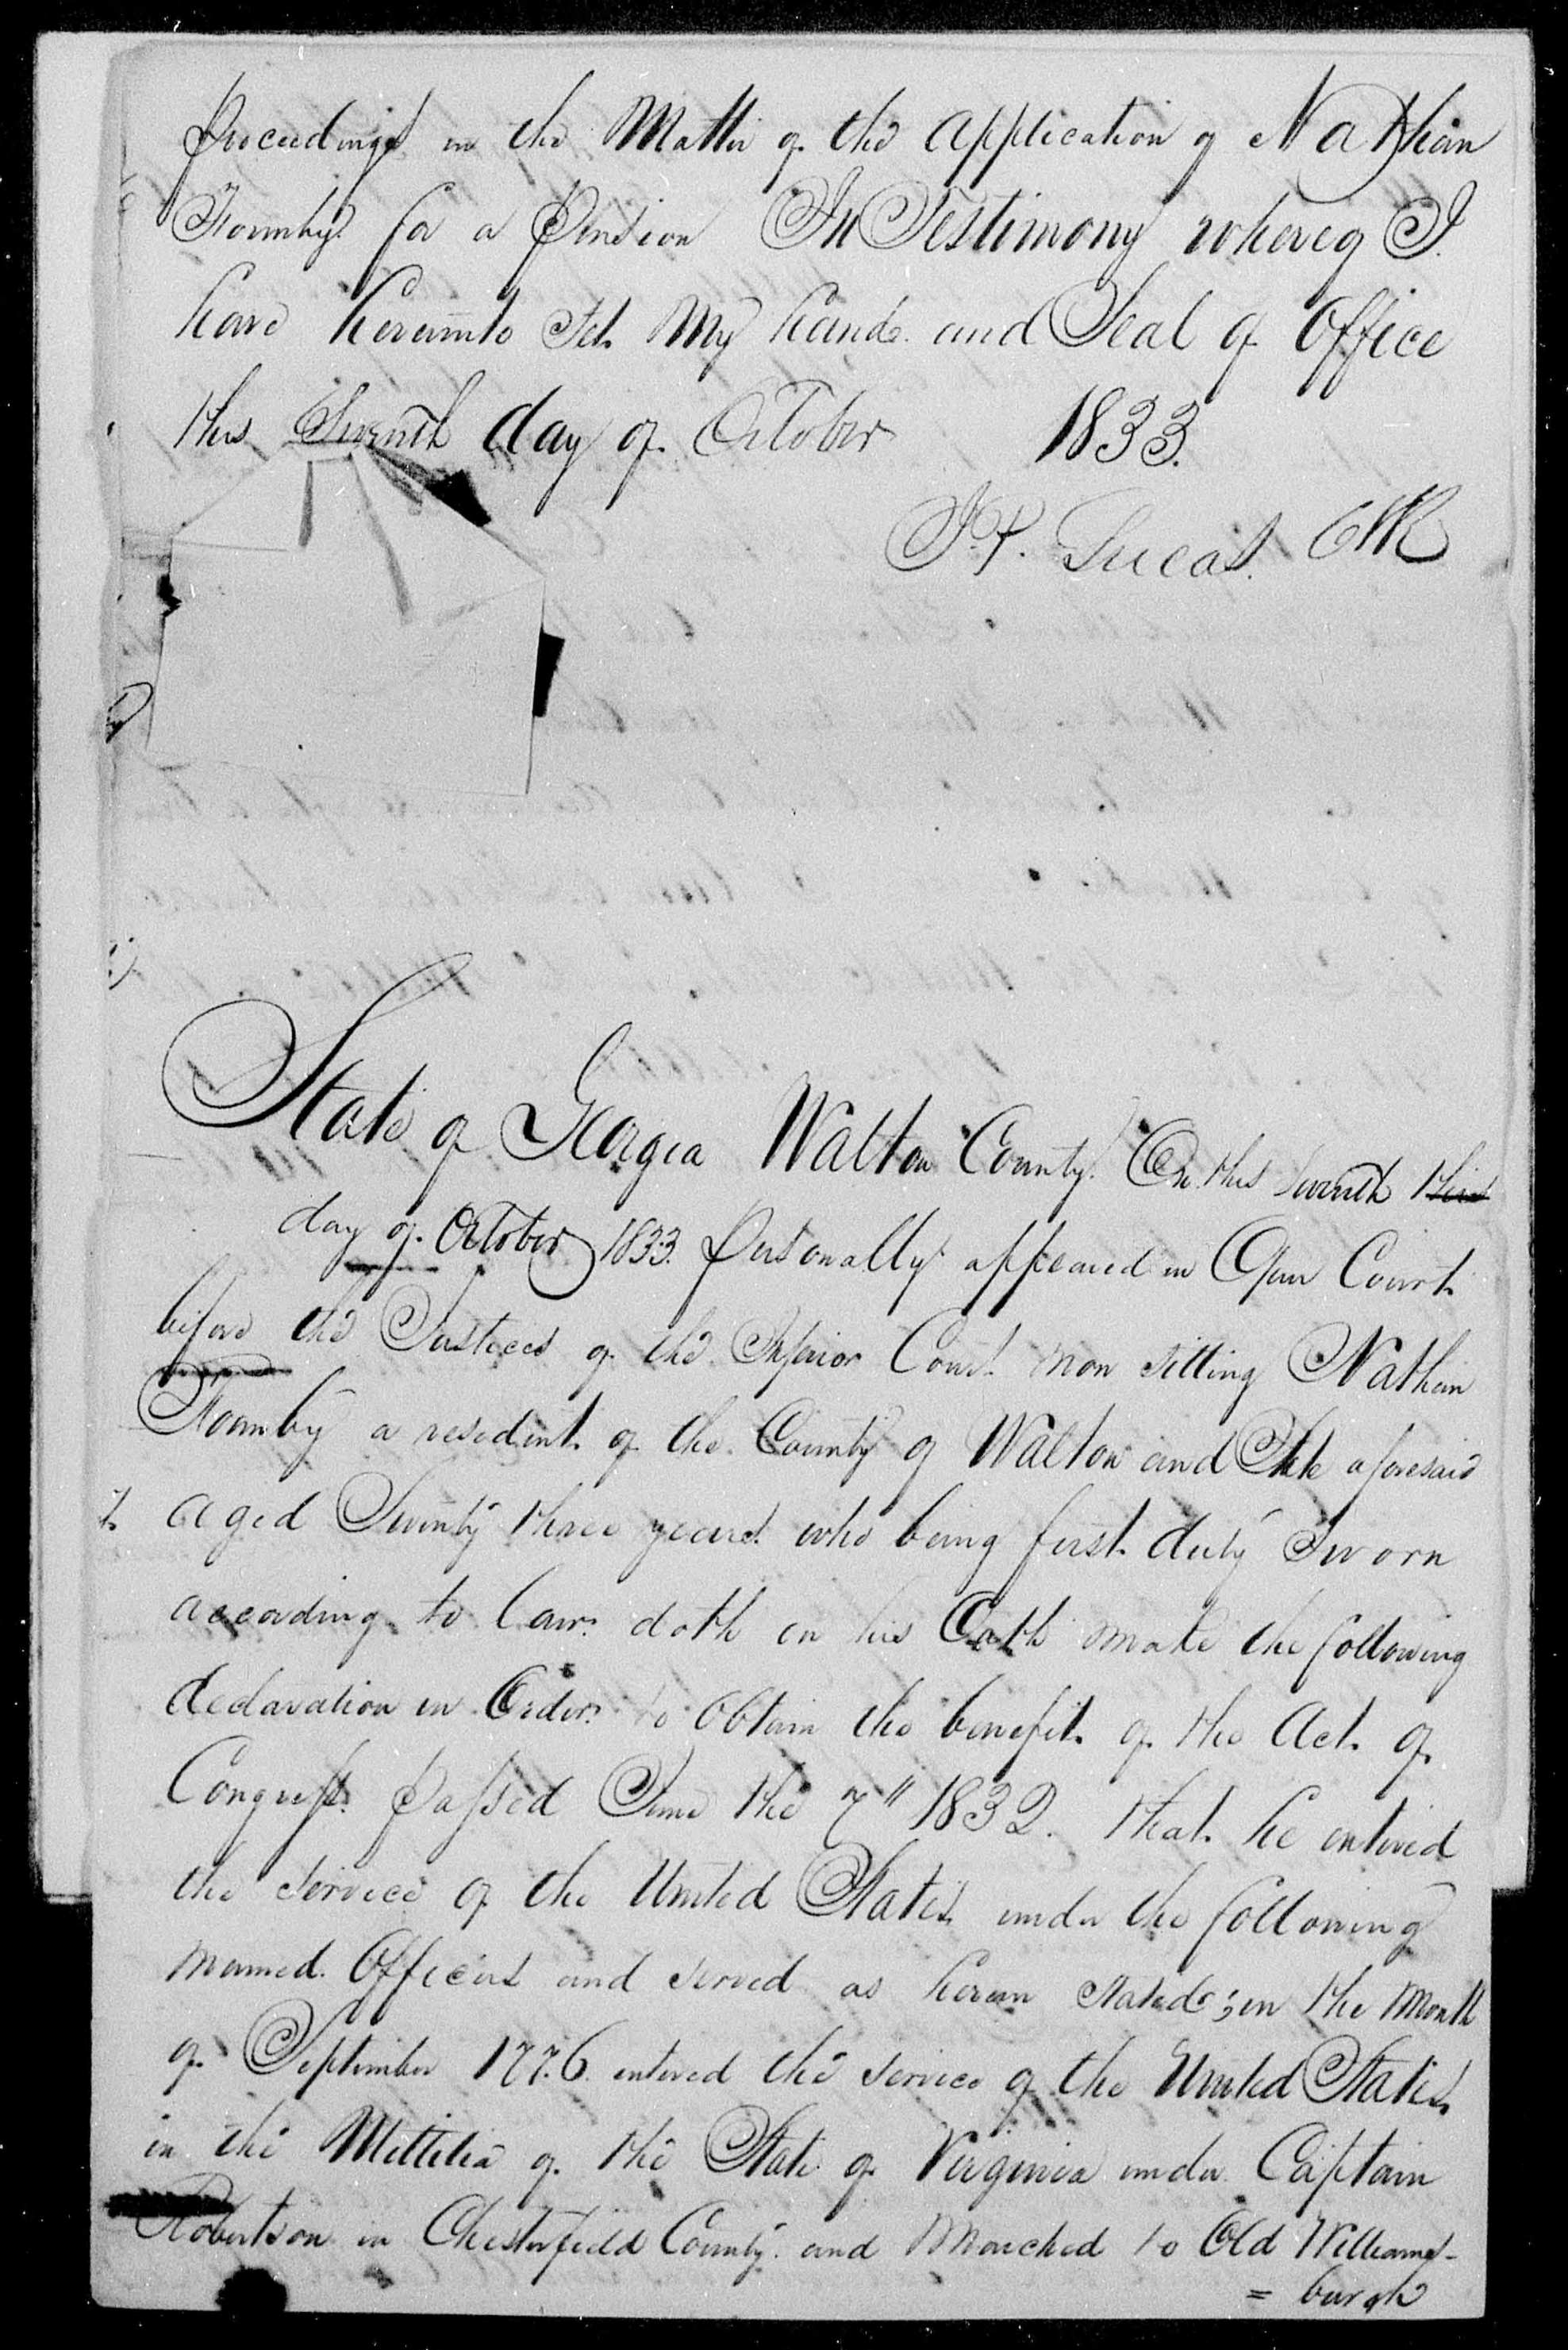Proceedings in the Matter of the Application of Nathan Formby for a pension In Testimony whereof I have hereunto set my hand and Seal of office this Seventh day of October 1833.
J. P. Lucas. Clk

State of Georgia Walton County. On this seventh day of October 1833, personally appeared in Open Court before the Justices of the Inferior Court now sitting Nathan Formby a resident of the County of Walton and State aforesaid aged Seventy three years who being first duly Sworn according to law doth on his Oath make the following declaration in Order to Obtain the benefit of the Act of Congress Passed June the 7" 1832. that he entered the service of the United States under the following named Officers and served as herein Stated; in the Month of September 1776 entered the service of the United States in the Militia of the State of Virginia under Captain Robertson in Chesterfield County and Marched to Old Williamsburgh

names: J P Lucas, Nathan Formby, Nathan Formby, Robertson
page: 48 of 54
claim: widow's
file: W. 3794, Nathan Formby, Va.